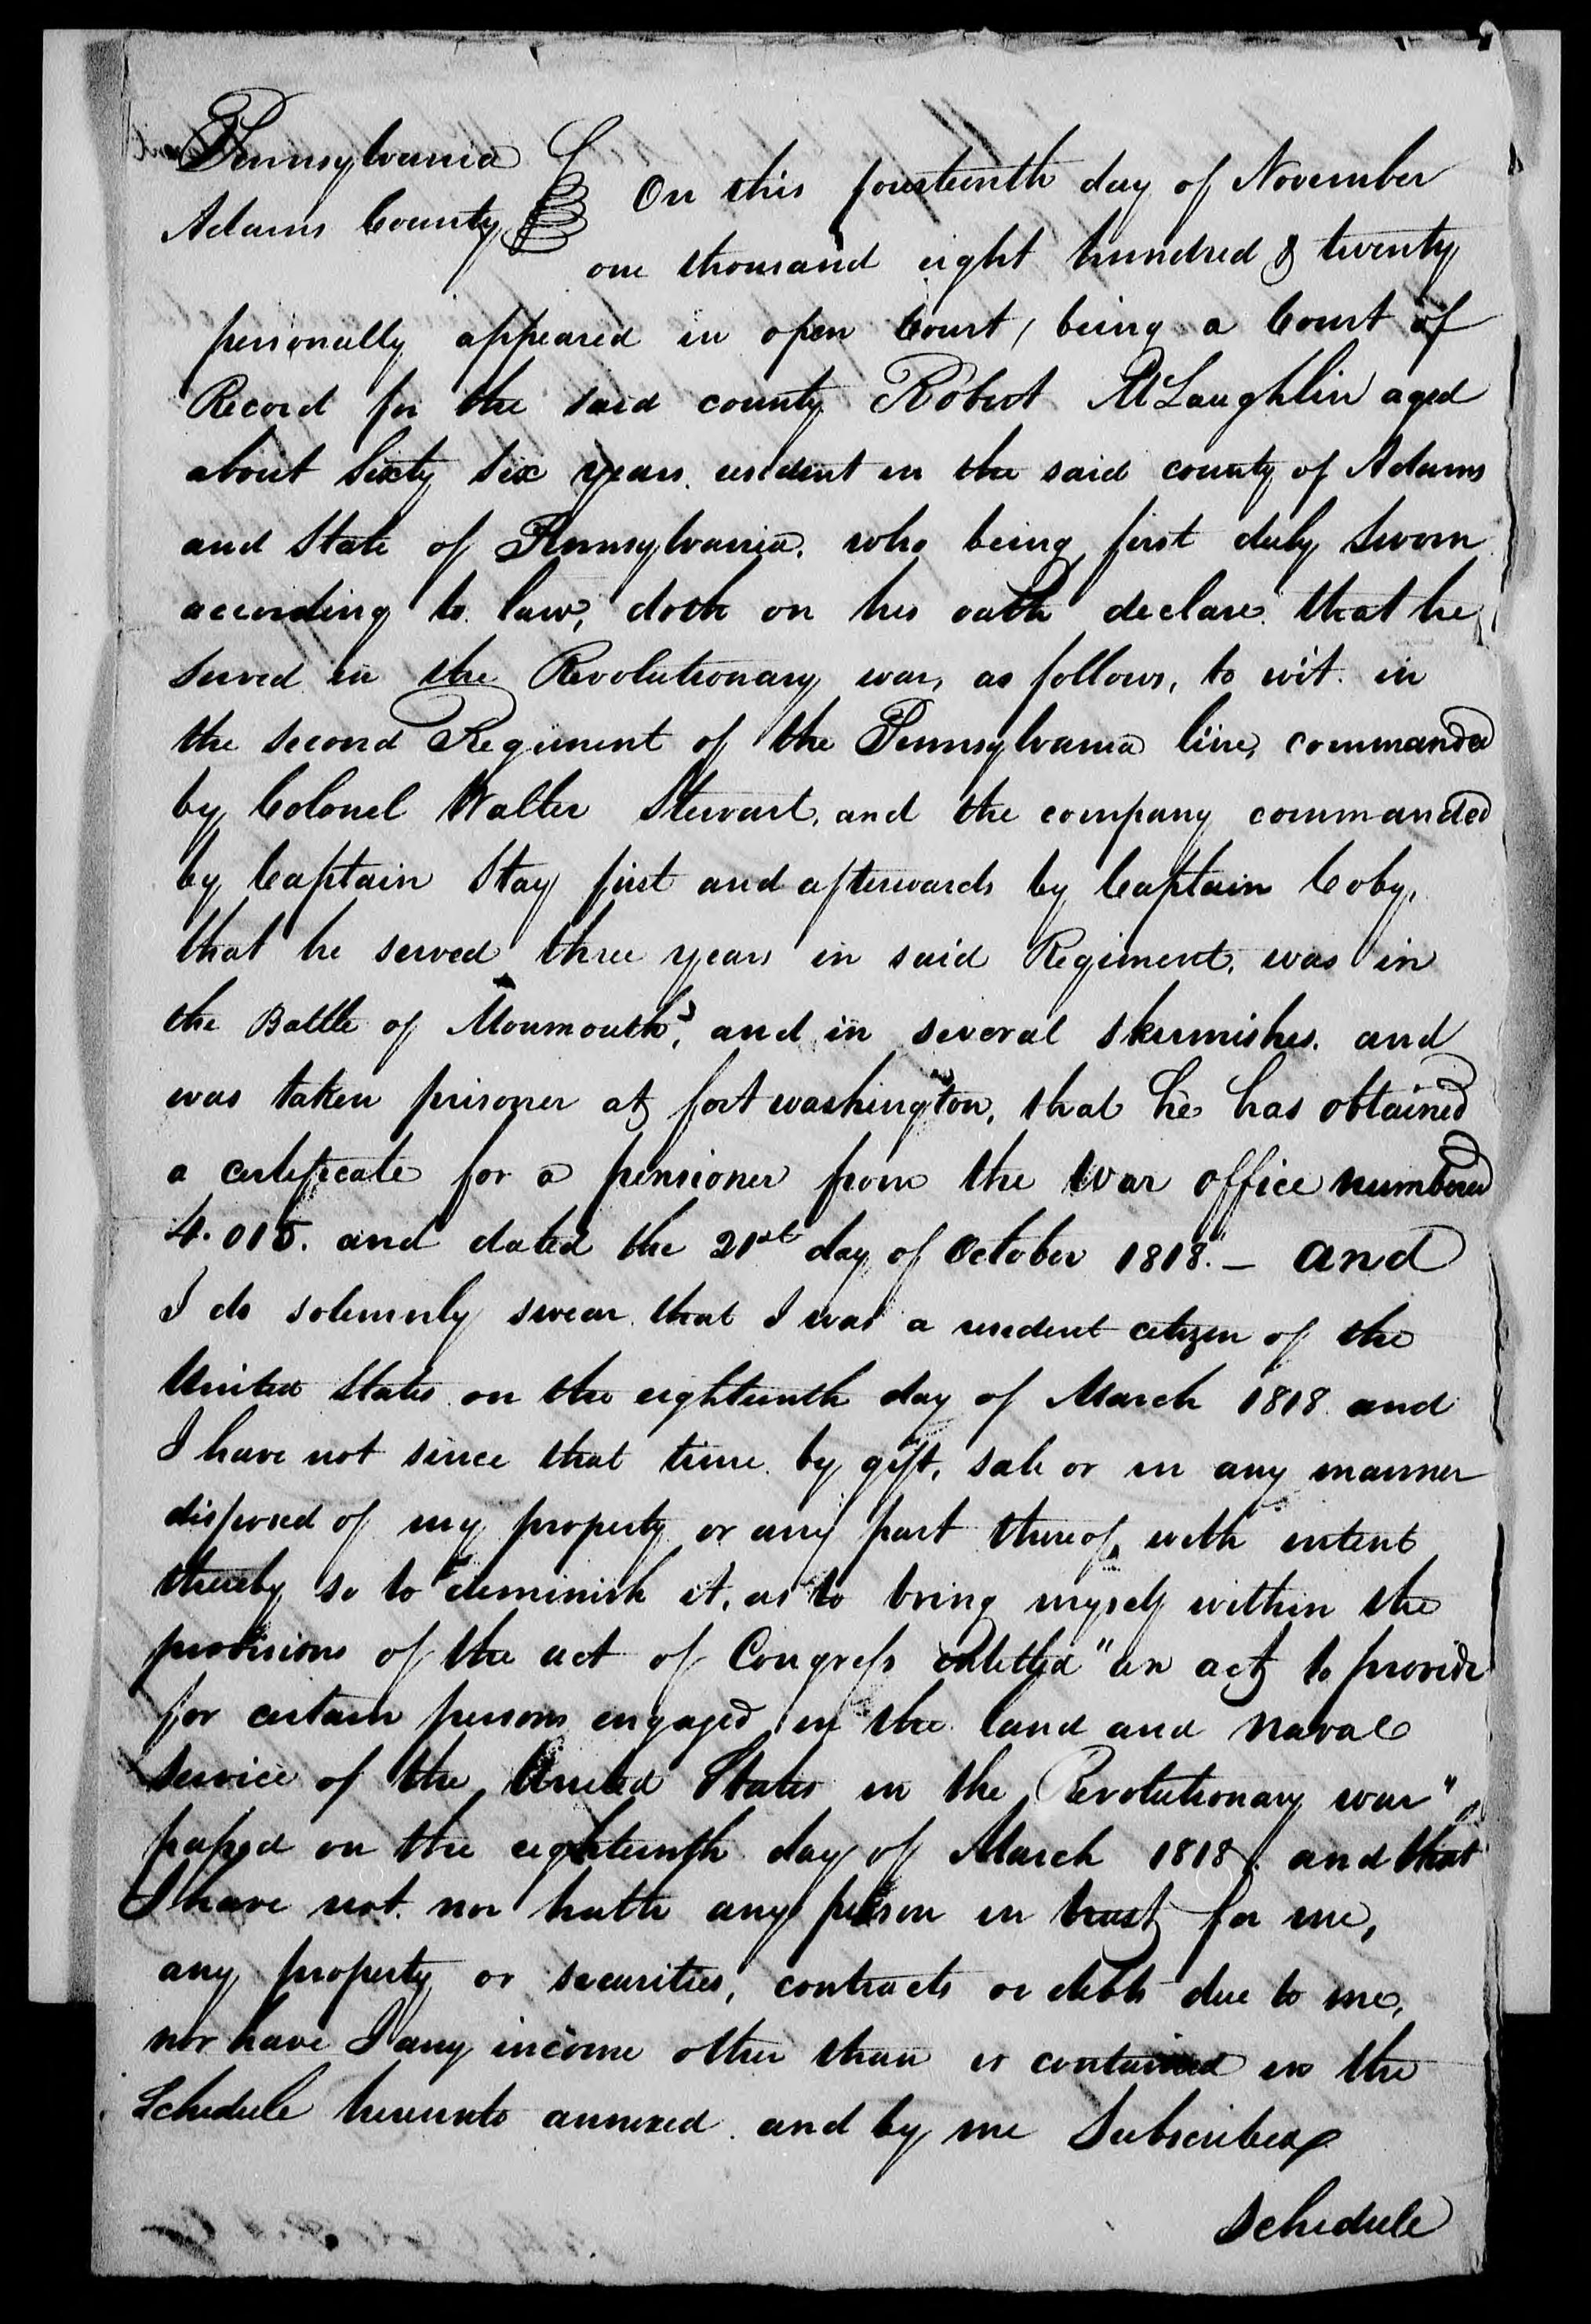Pennsylvania Adams County Ss
On this fourteenth day of November one thousand eight hundred & twenty personally appeared in open court, being a Court of Record for the said county Robert McLaughlin aged about sixty six years, resident in the said county of Adams and State of Pennsylvania who being first duly Sworn according to law, doth on his oath declare that he served in the Revolutionary war as follows, to wit. in the second Regiment of the Pennsylvania line, commanded by Colonel Walter Stewart, and the company commanded by Captain Stay first and afterwards by Captain Coby that he served three years in said Regiment, was in the Battle of Monmouth, and in several skirmishes and was taken prisoner at fort washington, that he has obtained a certificate for a pensioner from the war office numbered 4.015 and dated the 21st day of October 1818.- And I do solemnly swear that I was a resident citizen of the United States on the eighteenth day of March 1818 and I have not since that time by gift, sale or in any manner dispersed of my property or any part thereof with intent thereby so to diminish it, as to bring myself within the provisions of the act of Congress entitled "an act to provide for certain persons engaged in the land and naval service of the United States in the Revolutionary war" passed on the eighteenth day of March 1818 and that I have not nor hath any person in trust for me, any property or securities, contracts or debts due to me, nor have I any income other than is contained in the Schedule hereunto annexed and by me Subscribed 
Schedule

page: 10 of 19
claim: survivor's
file: S. 40,146, for Robert Mc Laughlin, Pennsylvania